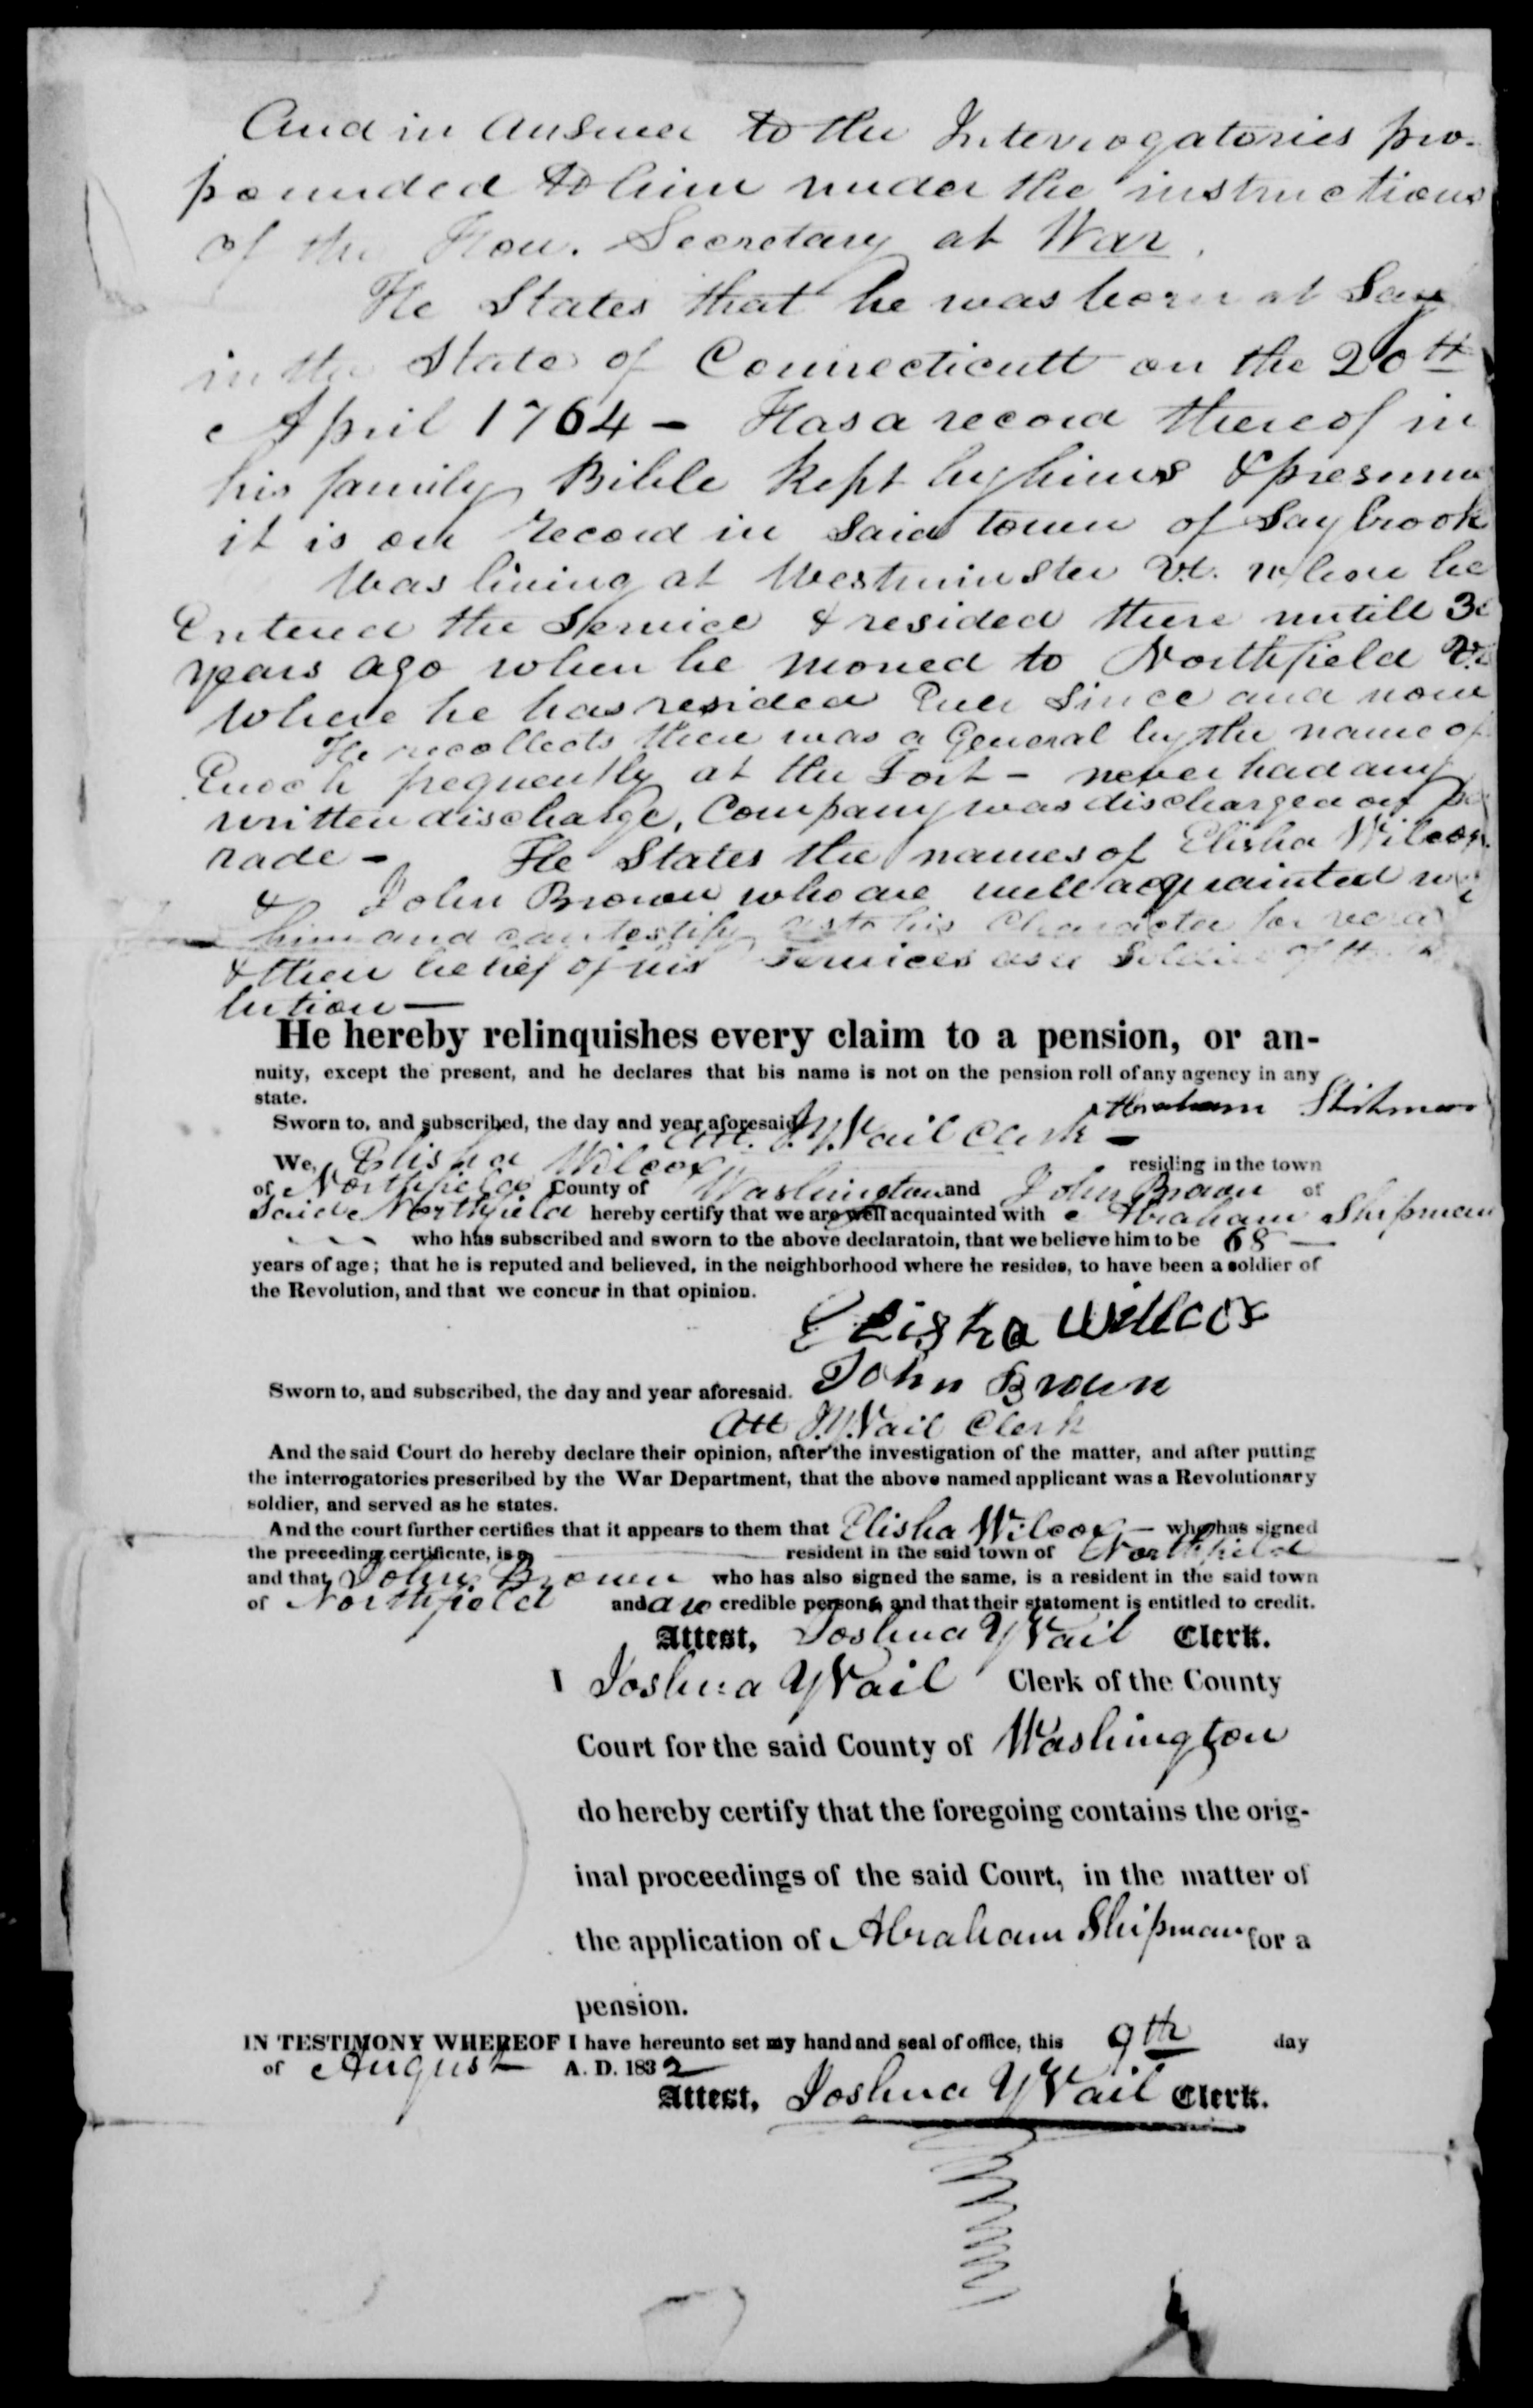and in answer to the Interrogatories propounded to him under the instructions of the Hon. Secretary at War. 

He states that he was born at Saybrook in the State of Connecticutt on the 20th April 1764 - Has a record thereof in his family Bible kept by him & present it is of record in said town of Saybrook. 

Was living at Westminster Vt. When he entered the service & resided there until 30 years ago when he moved to Northfield Vt. where he has resided ever since and now  recollects there was a general by the name of Enoch frequently at the Fort. Never had a written discharge, company was discharged {illegible}.  He States the names of Elisha Wilson & John Brown who are well acquainted with him and can testify to his character for record & their belief of his services as a soldier of revolution. 

He hereby relinquishes every claim to a pension, or annuity, except the present, and he declares that his name is not on the pension roll of any agency in any state. 

Sworn to and subscribed, the day and year aforesaid 
AU McVail Clerk 
We, Abraham Shipman, Elisha Wilcox residing in the town of Northfield County of Washington and John Brown of said Northfield hereby certify that we are well acquainted with Abraham Shipman who has subscribed and sworn to the above declaration, that we believe him to be 68- years of age; that he is reputed and believed, in the neighborhood where he resides, to have been a soldier of the Revolution, and that we concur in that opinion. Elisha Willcox 
John Brown

Sworn to and subscribed, the day and year aforesaid.  
Att. J.Y.Vail Clerk 

And the said Court do hereby declare their opinion, after the investigation of the matter, and after putting the interrogatories prescribed by the War Department, that the above named applicant was a Revolutionary soldier, and served as he states. 

And the court further certifies that it appears to them that Elisha Wilcox; who has signed the preceding certificate, is a - - resident in the said town of Northfield and that John Brown who has also signed the same, is a resident in the said town of Northfield and be credible persons and that their statement is entitled to credit. 

Attest, Joshua Y Vail Clerk 
Joshua Y Vail Clerk of the County 
Court for the said County of Washington 
do hereby certify that the foregoing contains the original proceedings of the said Court, in the matter of the application of Abraham Shipman for a pension. 

IN TESTIMONY WHEREOF I have hereunto set my hand and seal of office, this 9th day of August A.D. 1832 

Attest Joshua Y Vail Clerk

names: Abraham Shipman; John Brown; Abraham Shipman; Enoch [BLANK]; Joshua Y Vail; John Brown; John Brown; Elisha Wilcox; Elisha Willcox; J Y Vail; Elisha Wilcox; John Brown; Abraham Shipman; Elisha Wilcox; Joshua Y Vail; Joshua Y Vail; J Y Vail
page: 9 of 13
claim: survivor's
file: S. 15977, for Abraham Shipman, Vermont